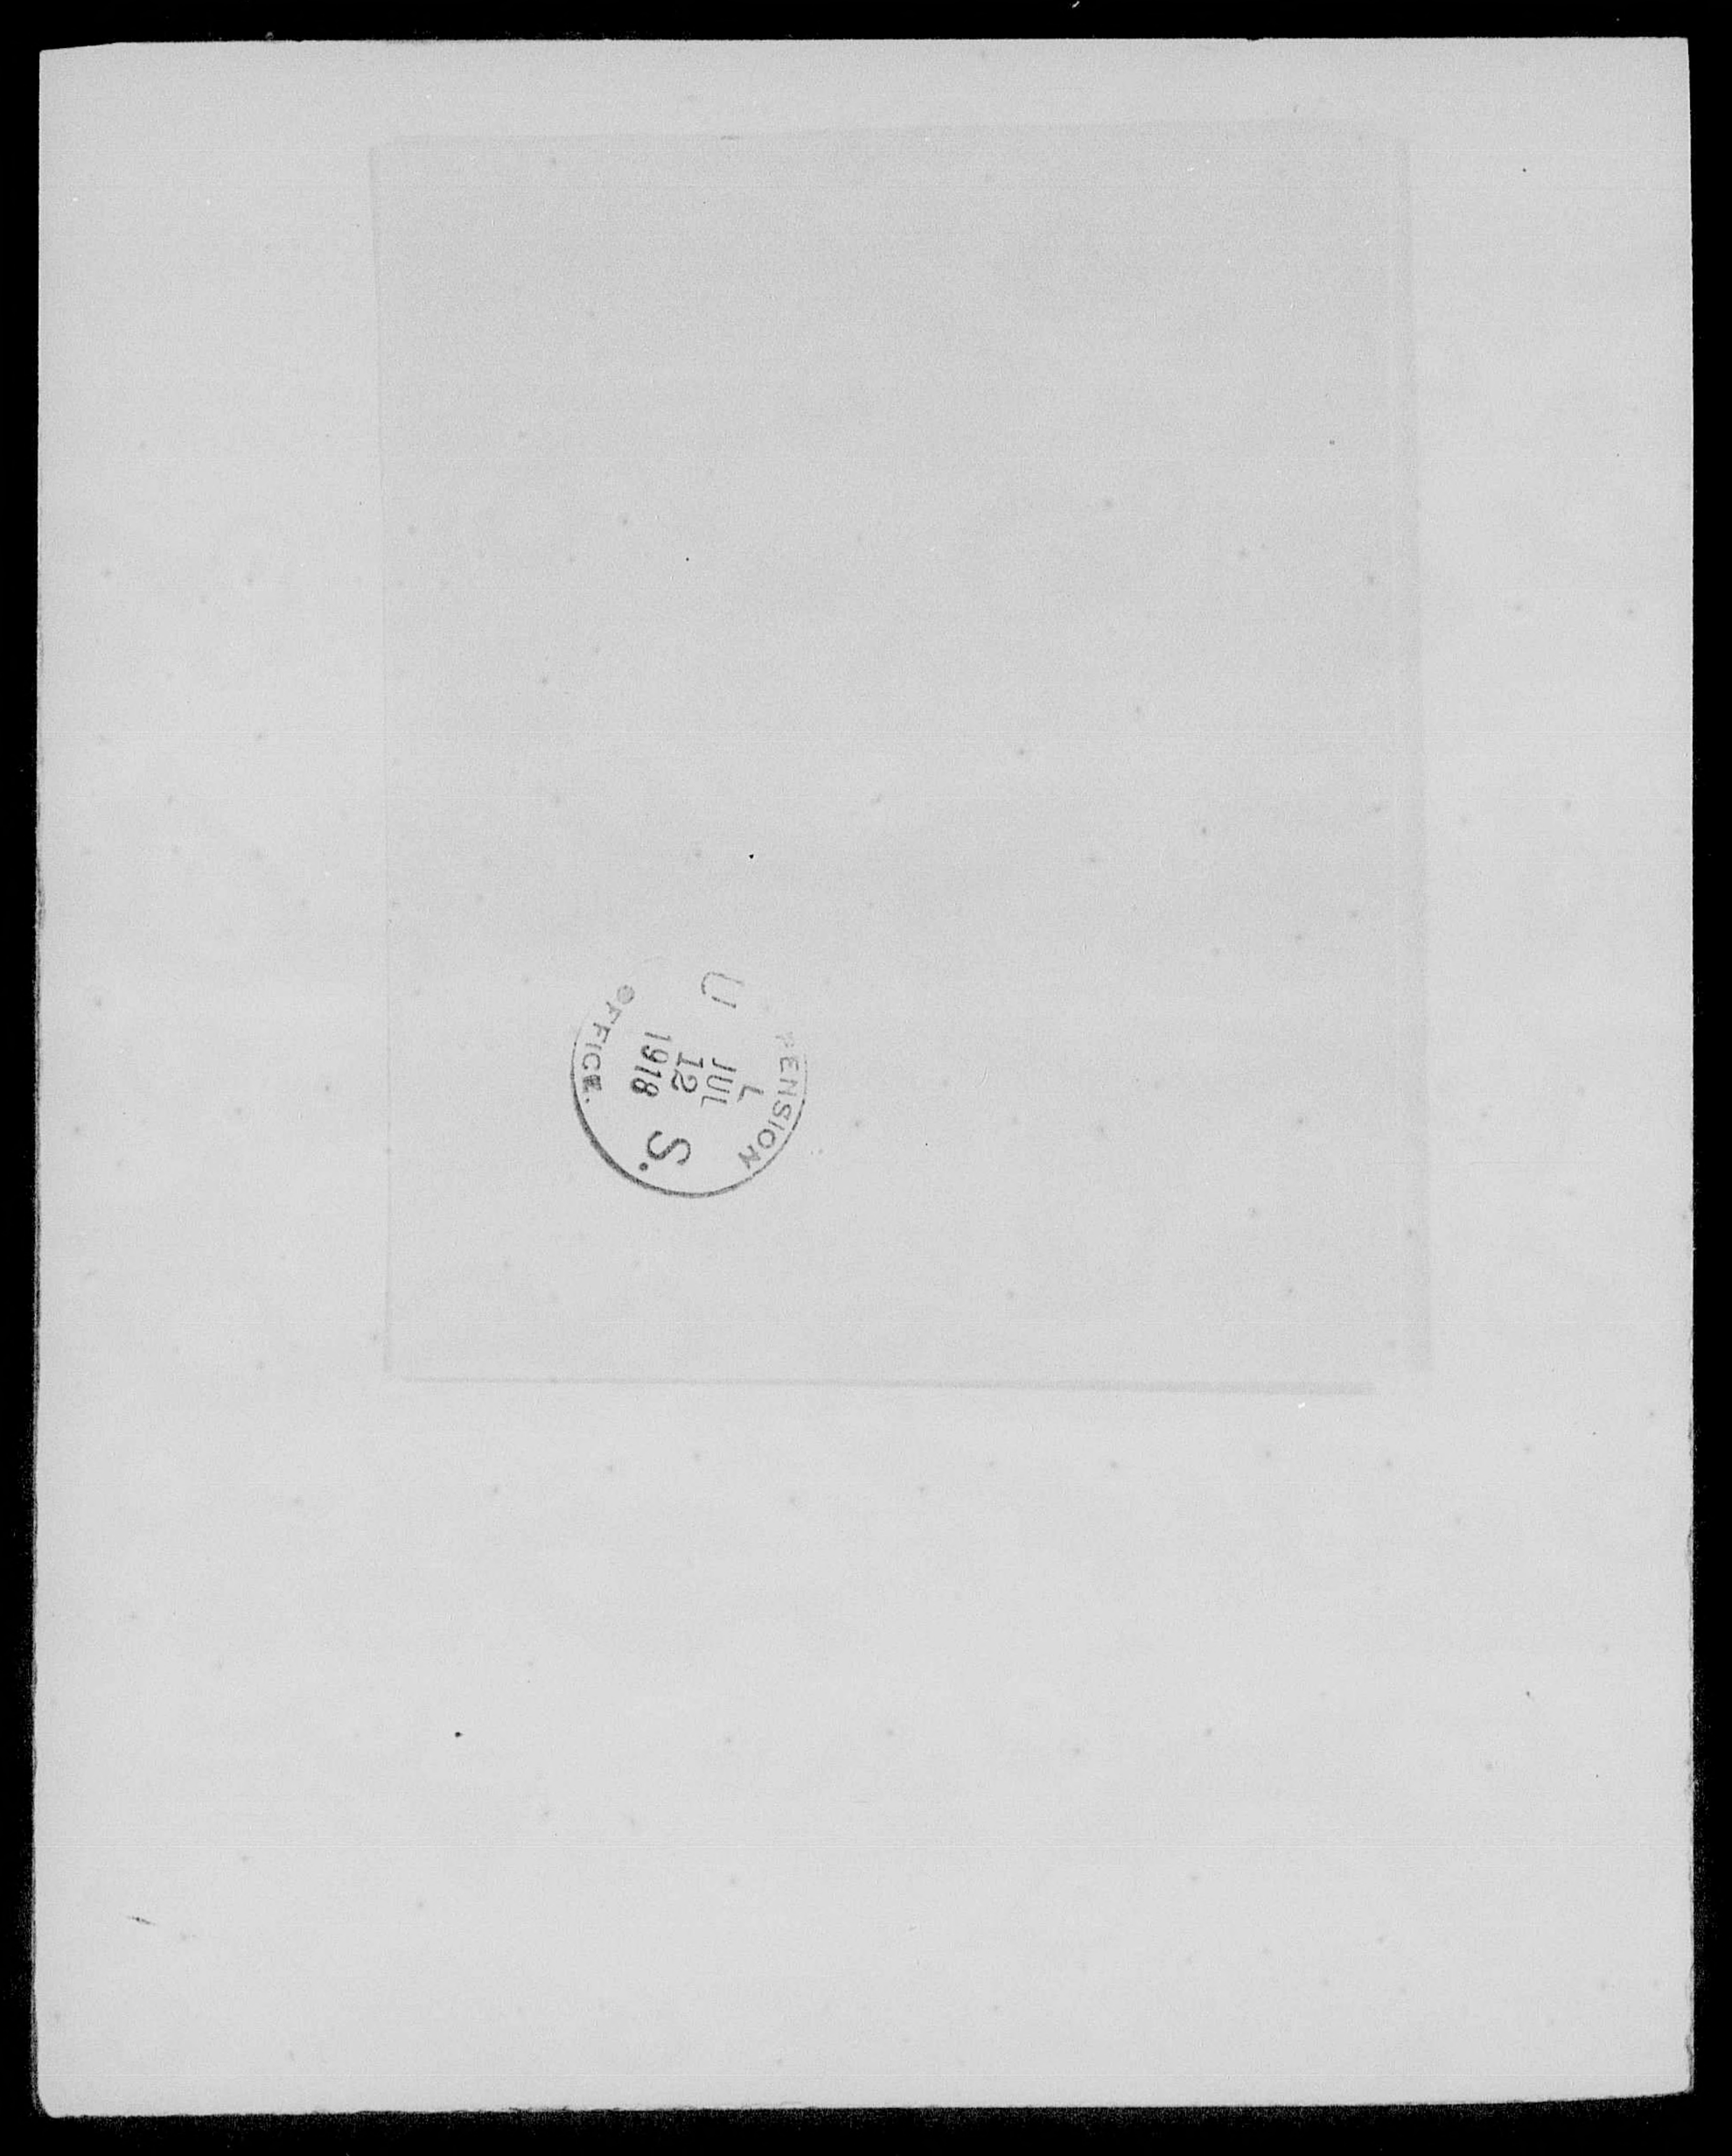[stamp]

PENSION
US.
L
JUL
12
1918
OFFICE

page: 16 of 21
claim: survivor's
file: S. 2586, Ferdinand Gulick, New Jersey Va.